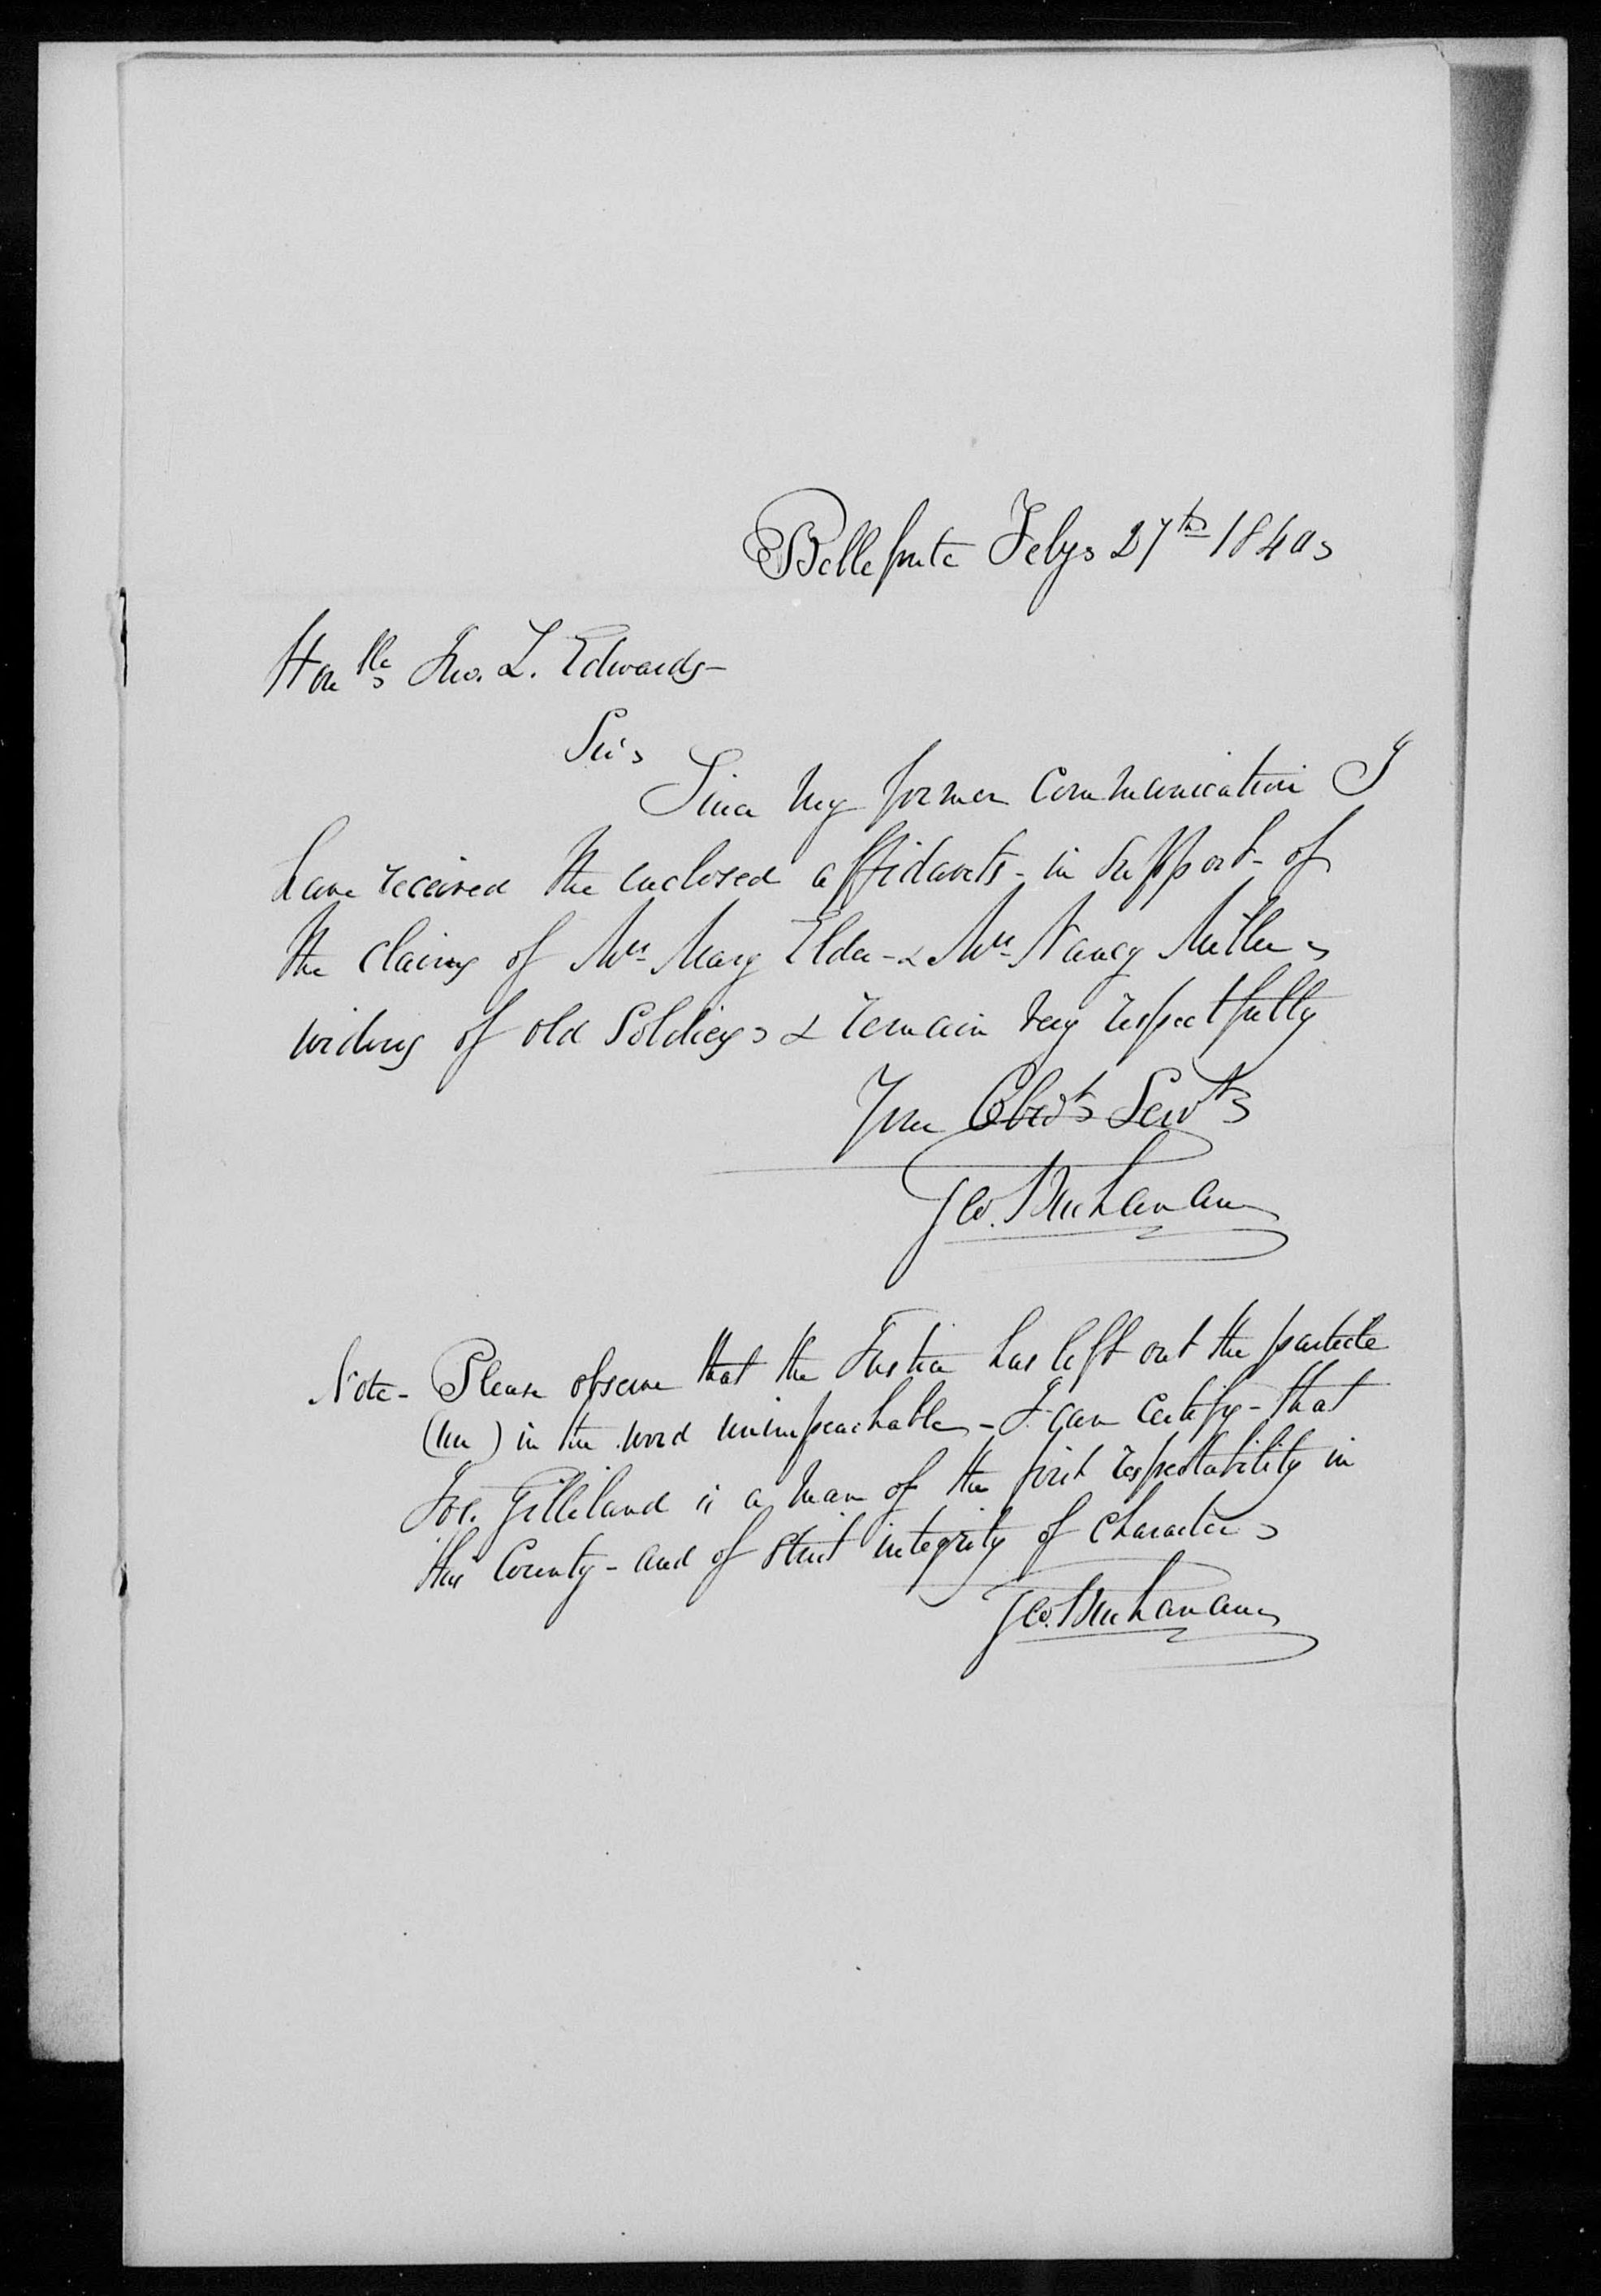Bellefonte Feby 21st 1840
Hon the Leo L. Edwards-
         Sirs
          [illegible] my former communication I have received the enclosed affidavits in support of the claims
 of Mrs Mary Elder and Mrs Nancy Miller very respectfully.
widows of old Soldier and remain
                                   Your Obedient Servant
                                    Geo. MacLaughlin 
Note- Please observe that the [illegible] has left out the particle (lieu) in the word unimpeachable-I can certify that Jos. Gilliland is a man of the first respectability in this County-and of strict integrity of character.
                     Geo. MacLaughlin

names: Geo Buchanan, Mary Elder, Jno L Edwards, Jos Gilliland, Geo Buchanan, Nancy Miller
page: 60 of 80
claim: widow's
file: W. 24117, John Elder, Penn.